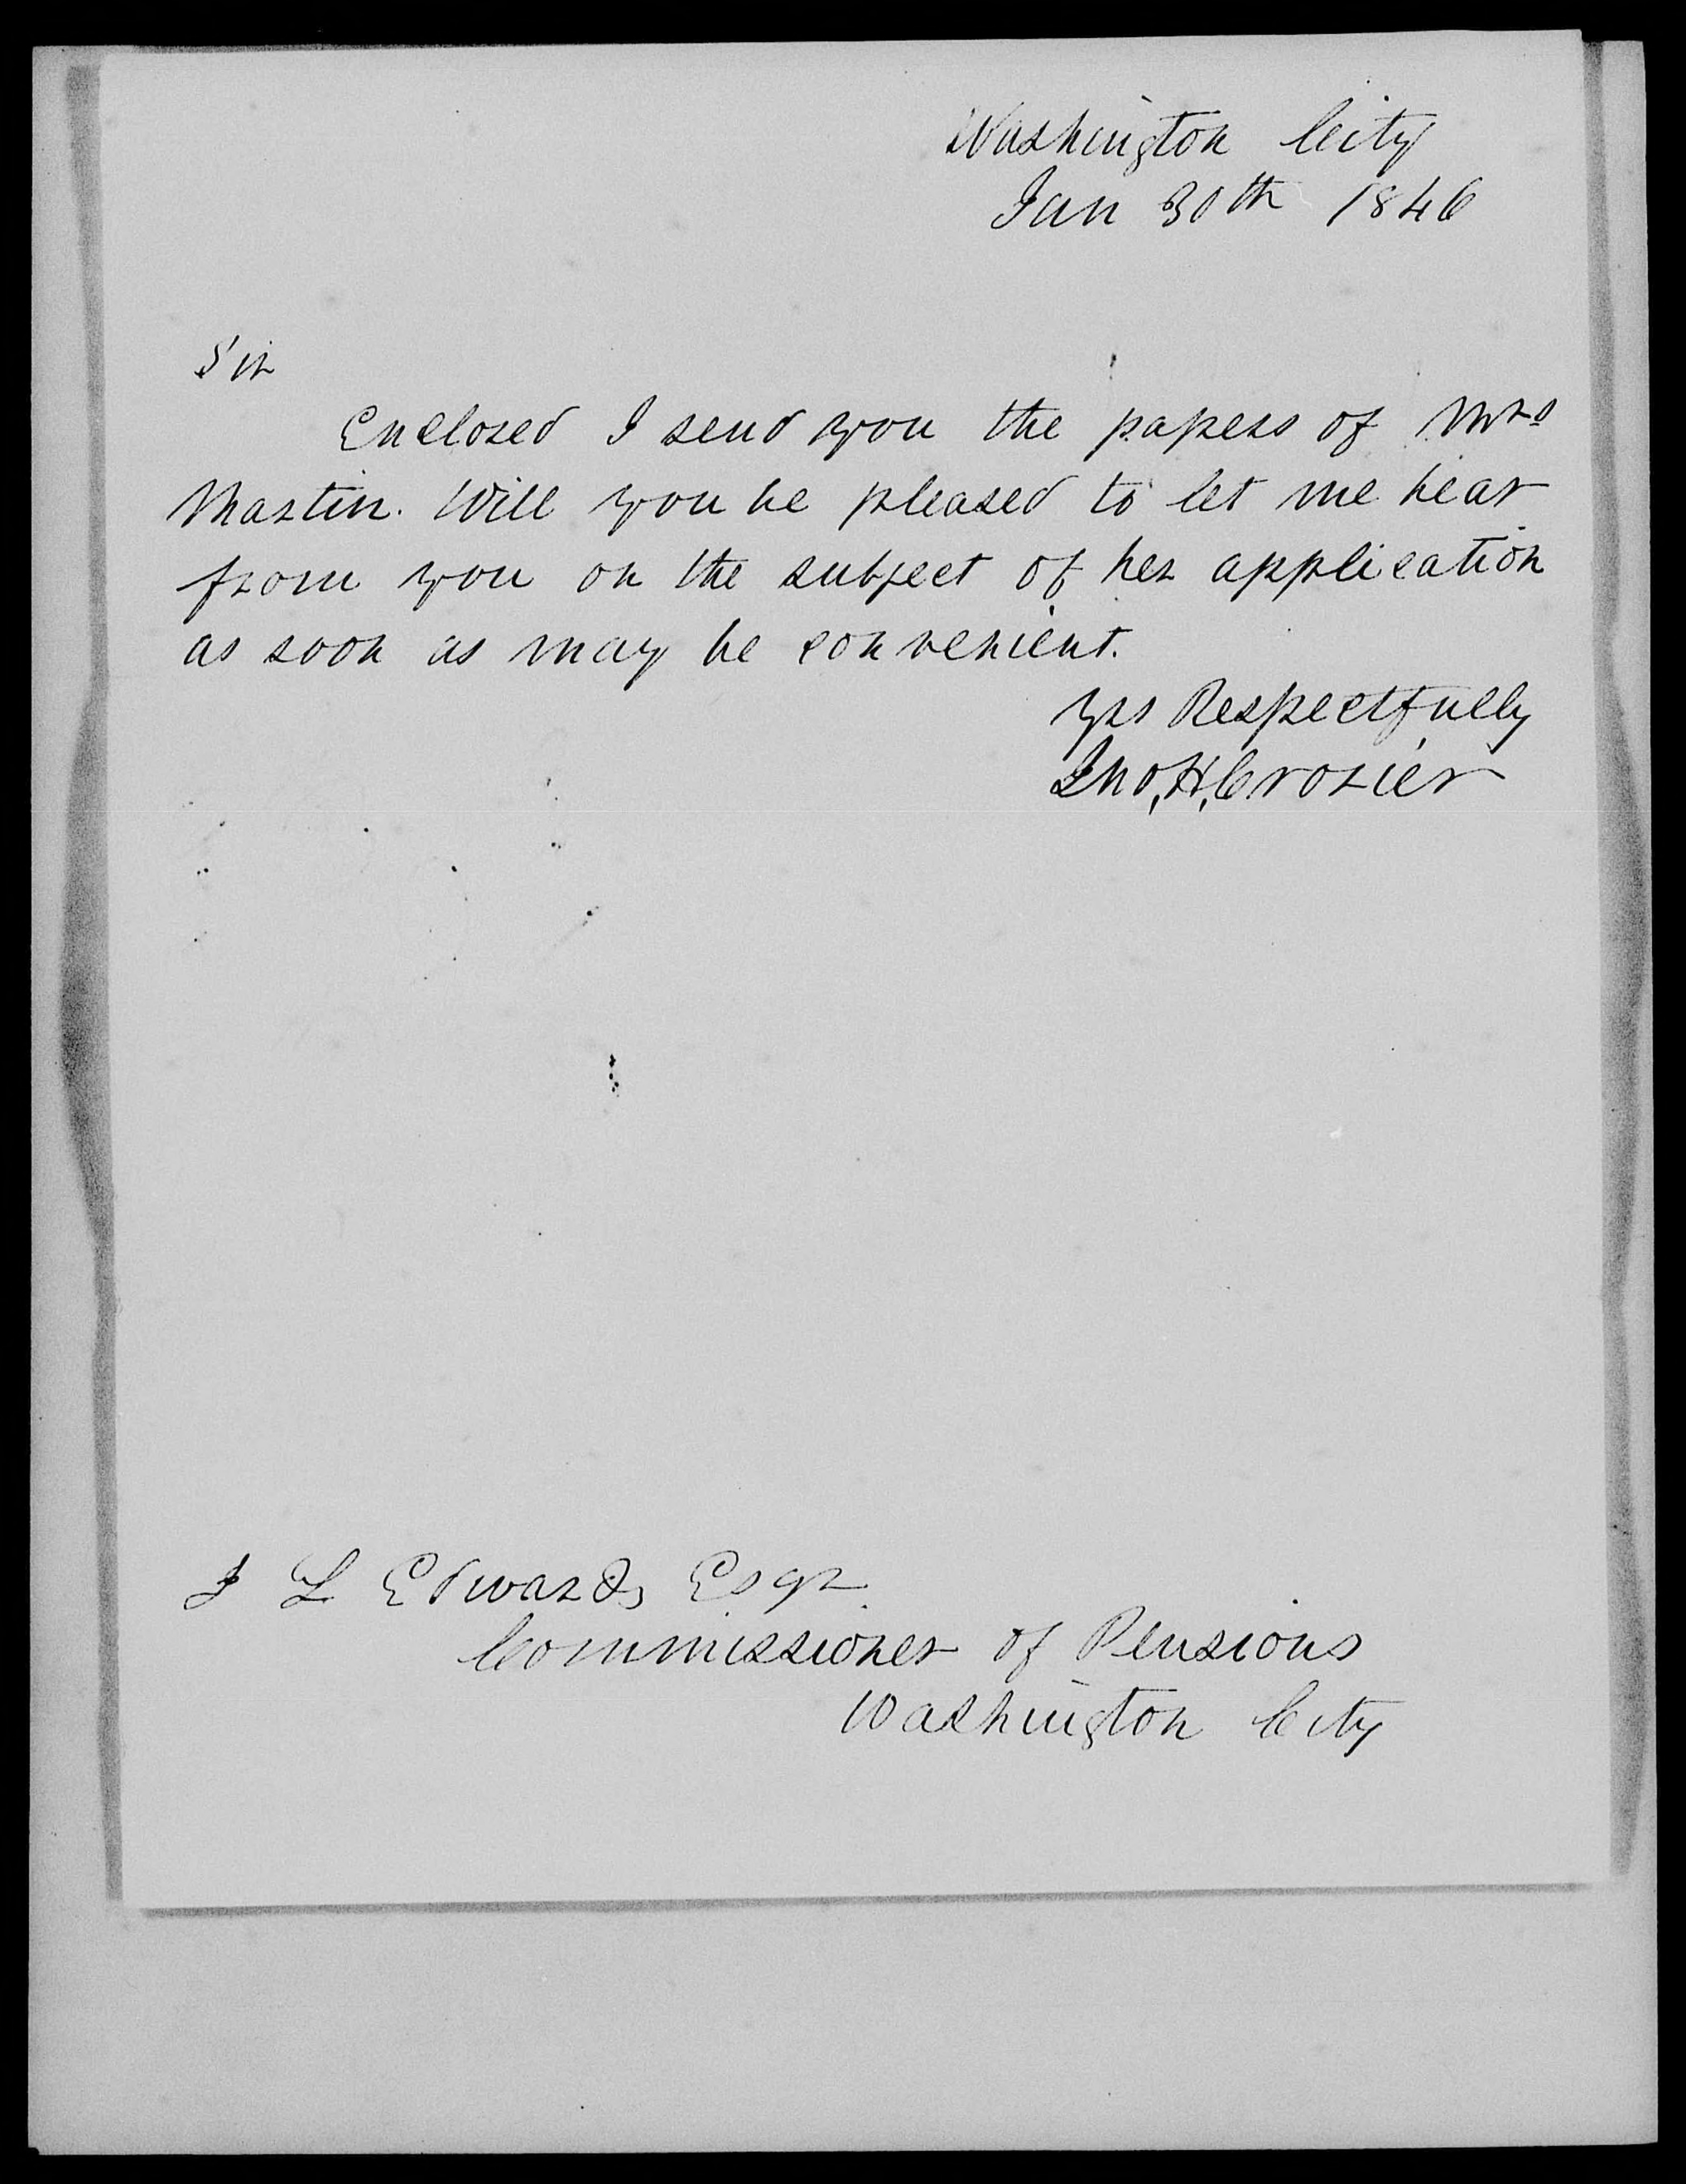Washington City
Jan 30th 1846
Sir
Enclosed I send you the papers of
Mrs
Martin. Will you be pleased to let me hear
from you on the subject of her application
as soon as may be convenient.
yrs respectfully
Jno. H. Crozier

J L Edwards Esqr
Commissioner of Pensions
Washington City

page: 58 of 120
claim: widow's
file: W. 1044, for Salathiel Martin, North Carolina